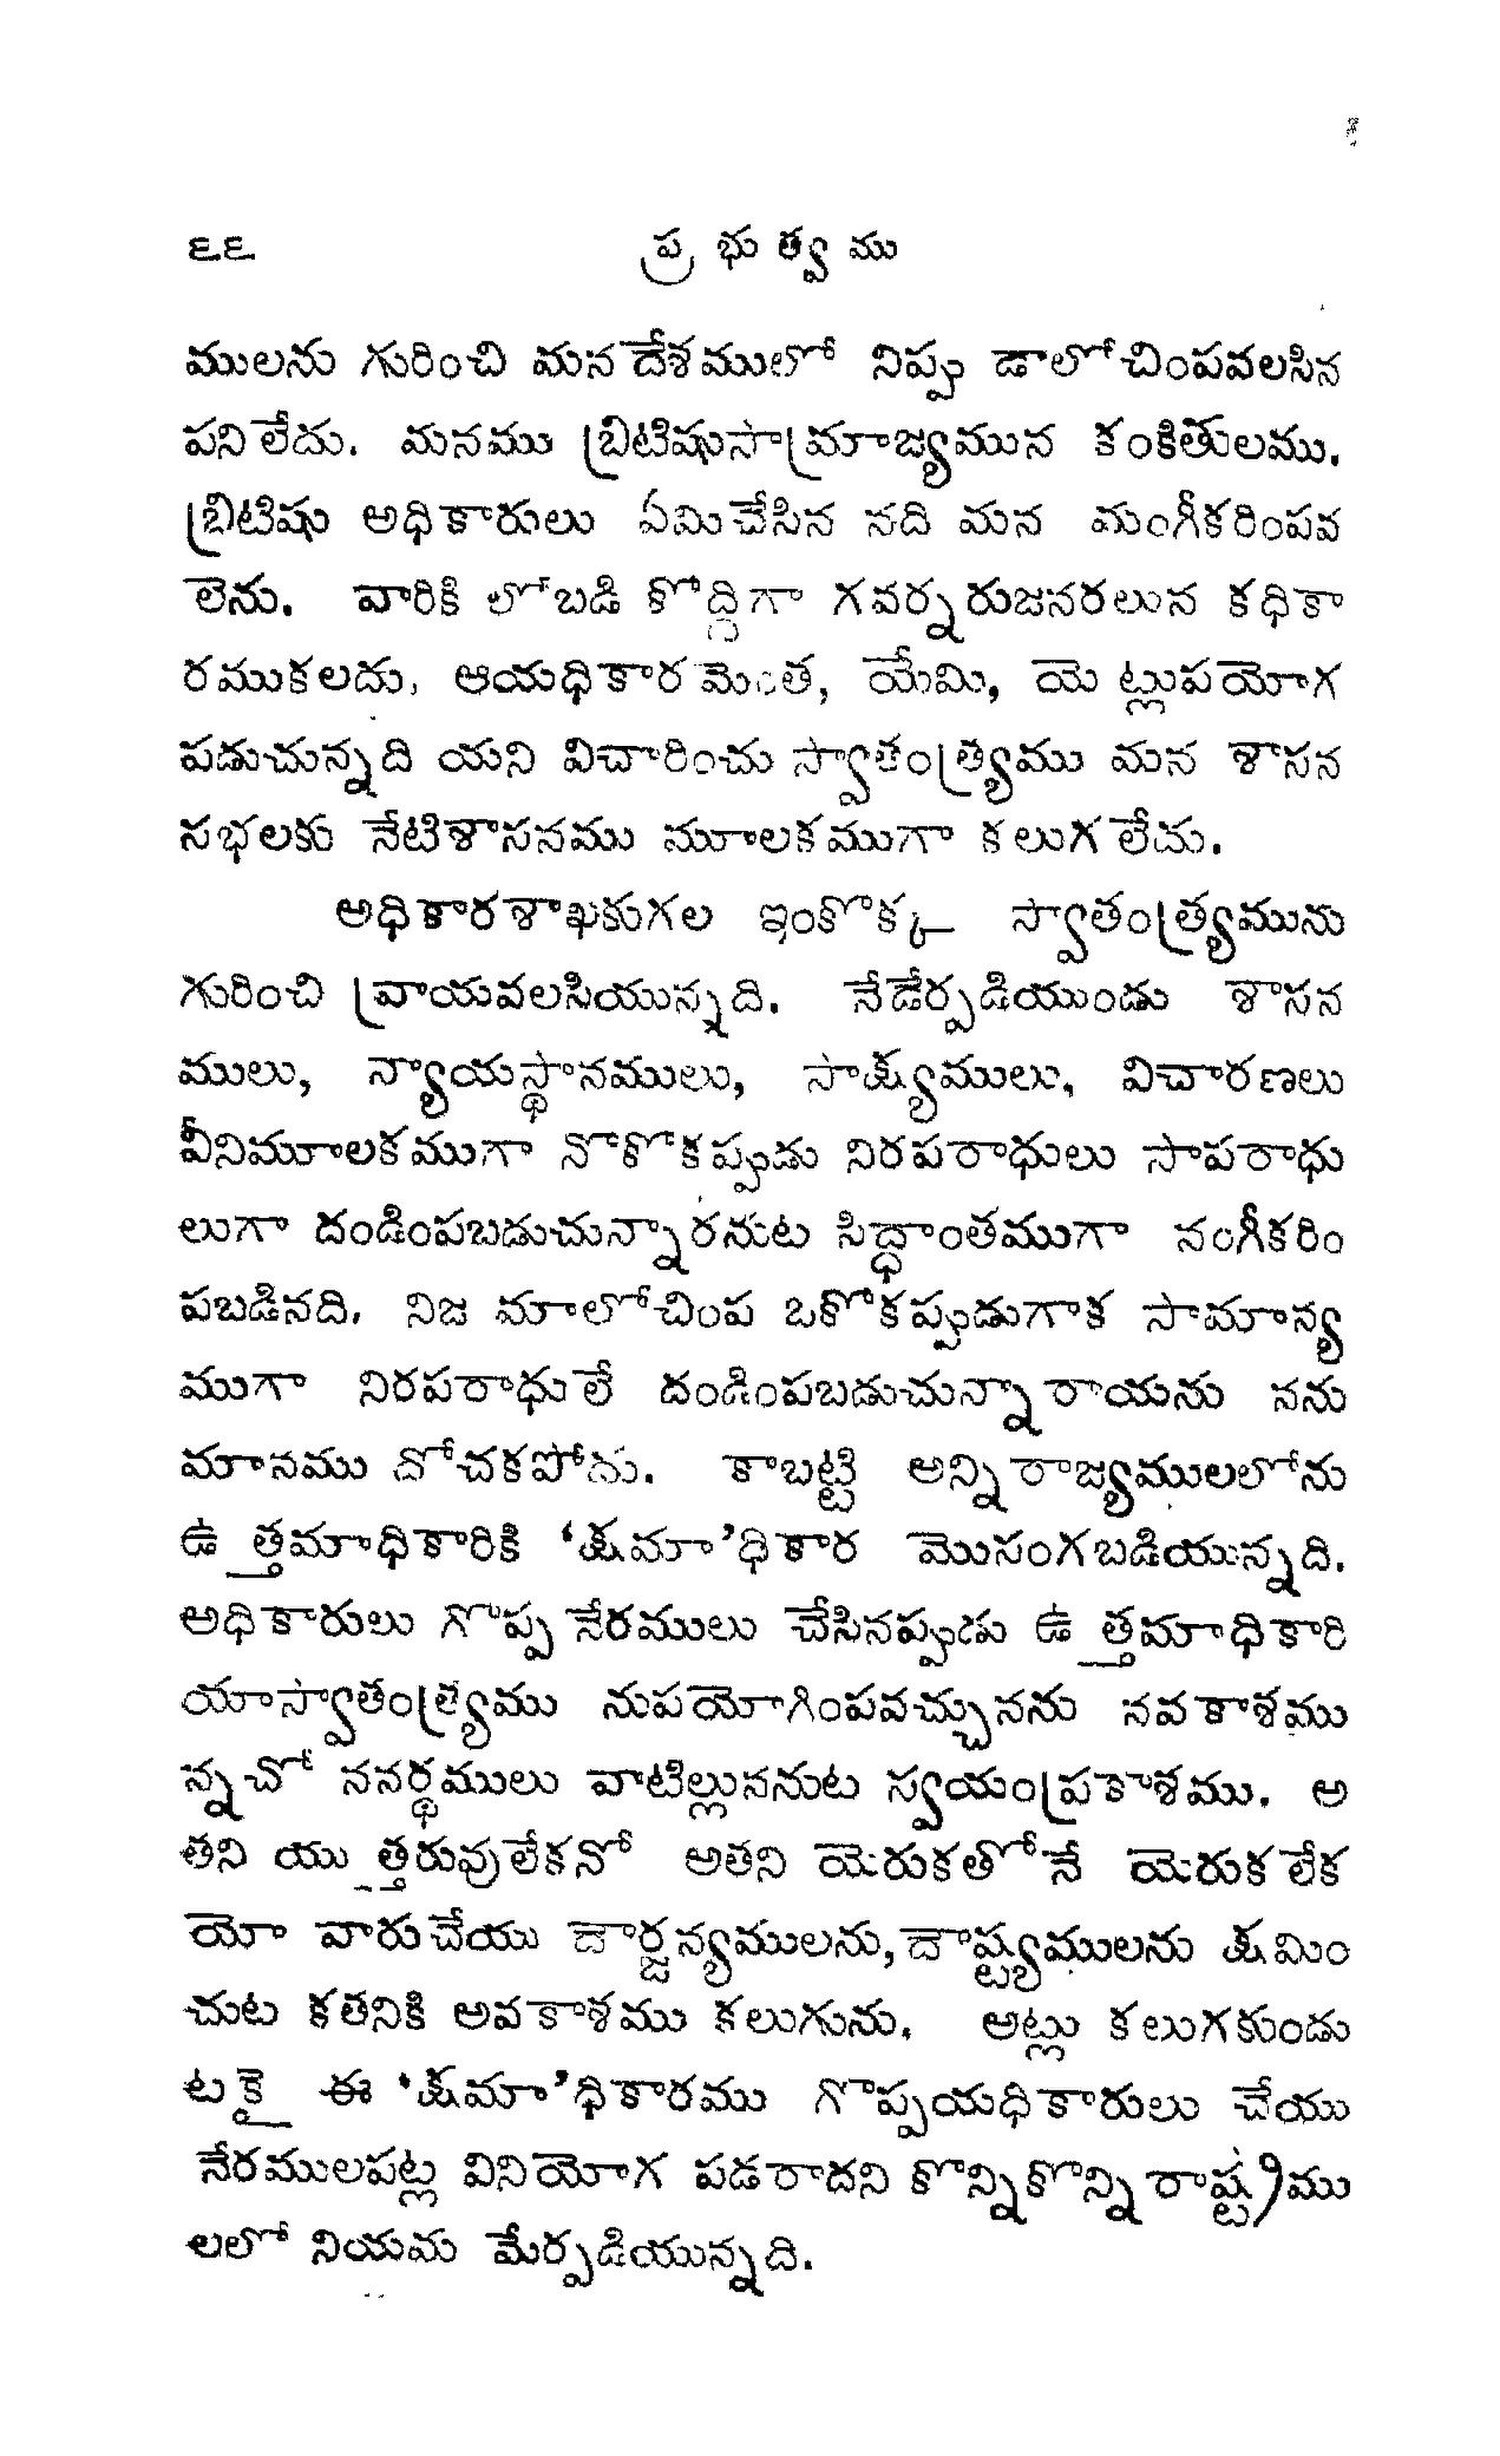ములను గురించి మనదేశములో నిప్పు డాలోచింపవలసిన పనిలేదు. మనము బ్రిటిషు సామ్రాజ్యమున కంకితులము. బ్రిటిషు అధికారులు ఏమిచేసిన నది మన మంగీకరింపవలెను. వారికి లోబడి కొద్దిగా గవర్నరుజనరలున కధికారముకలదు, ఆయధికారమెంత, యేమి, యెట్లుపయోగ
పడుచున్నది యని విచారించు స్వాతంత్ర్యము మన శాసనసభలకు నేటిశాసనము మూలకముగా కలుగలేదు.

అధికారశాఖకుగల ఇంకొక్క స్వాతంత్ర్యమును గురించి వ్రాయవలసియున్నది. నేడేర్పడియుండు శాసనములు, న్యాయస్థానములు, సాక్ష్యములు, విచారణలు వీనిమూలకముగా నొకొకప్పుడు నిరపరాధులు సాపరాధులుగా దండింపబడుచున్నారనుట సిద్ధాంతముగా నంగీకరింపబడినది. నిజ మాలోచింప ఒకొకప్పుడుగాక సామాన్య ముగా నిరపరాధులే దండింపబడుచున్నారాయను ననుమానము దోచకపోదు. కాబట్టి అన్ని రాజ్యములలోను ఉత్తమాధికారికి 'క్షమా'థికార మొసంగబడి యున్నది. అధికారులు గొప్పనేరములు చేసినప్పుడు ఉత్తమాధికారి యాస్వాతంత్ర్యము నుపయోగింప వచ్చునను నవకాశమున్నచో ననర్థములు వాటిల్లుననుట స్వయంప్రకాశము. అతని యుత్తరువులేకనో అతని యెరుకతోనే యెరుకలేకయో వారుచేయు దౌర్జన్యములను, దౌష్ట్యములను క్షమించుట కతనికి అవకాశము కలుగును. అట్లు కలుగకుండుటకై ఈ 'క్షమా'ధికారము గొప్పయధికారులు చేయు
నేరములపట్ల వినియోగ పడరాదని కొన్ని కొన్ని రాష్ట్రములలో నియమ మేర్పడియున్నది.